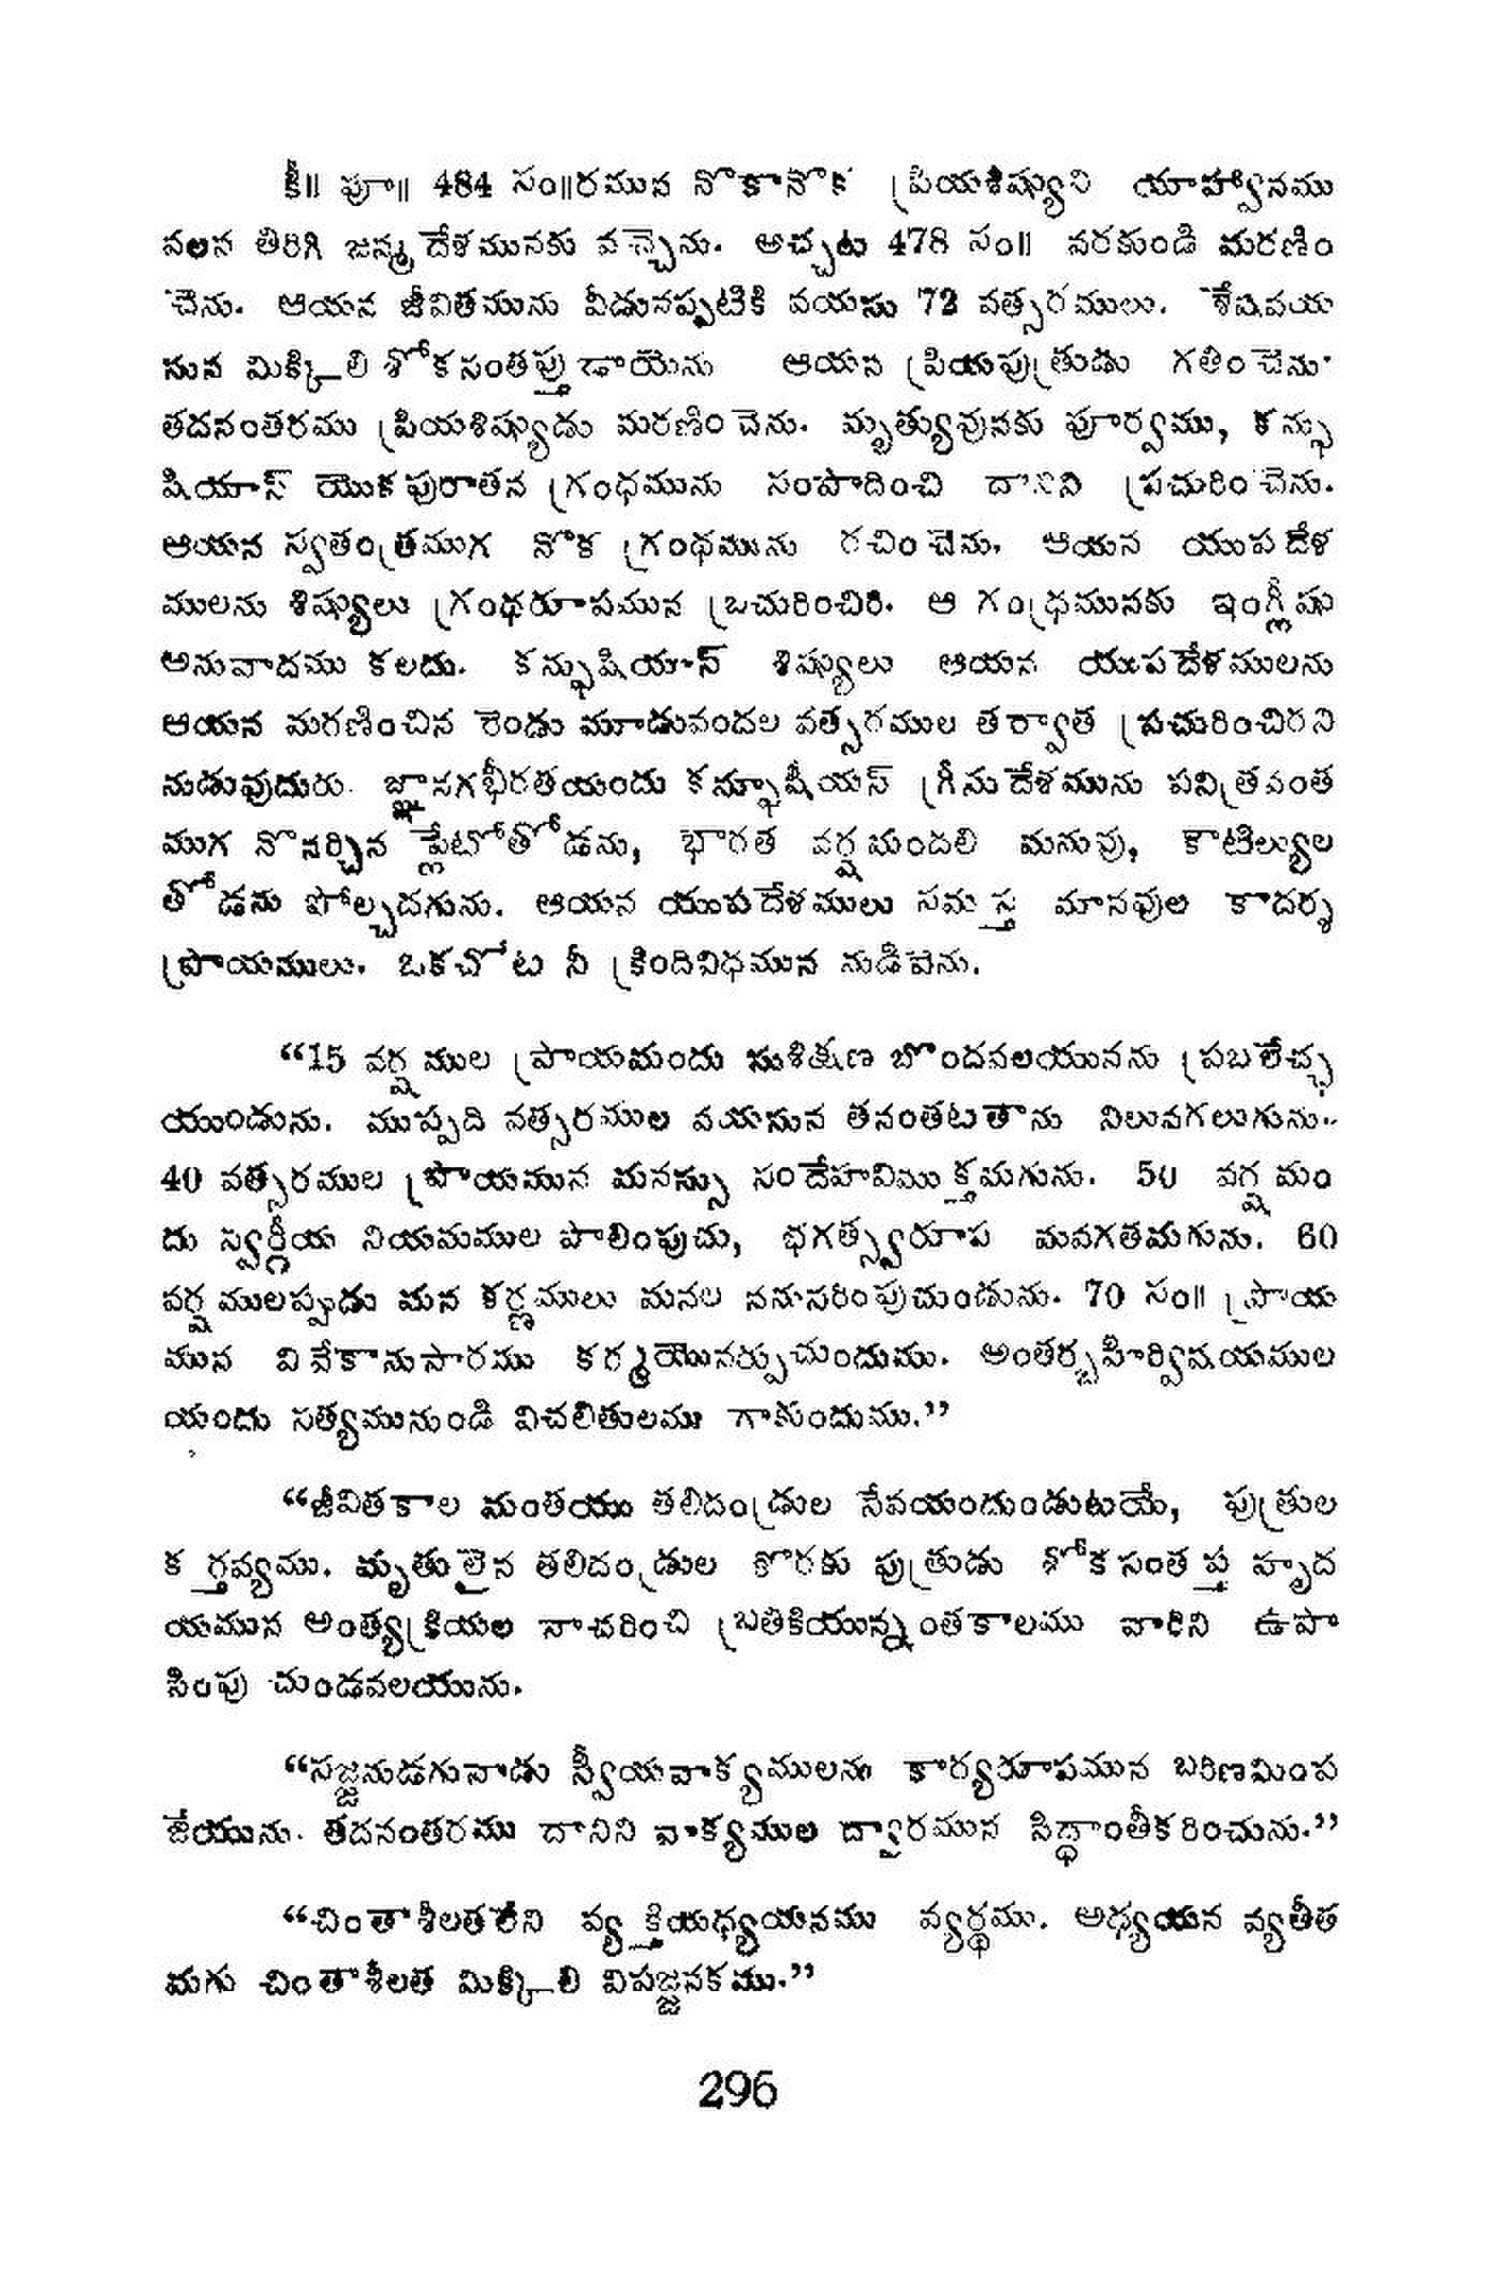క్రీ|| పూ|| 484 సం||రమున నొకానొక ప్రియశిష్యుని యాహ్వానము వలన తిరిగి జన్మదేశమునకు వచ్చెను. అచ్చట 478 సం|| వరకుండి మరణించెను. ఆయన జీవితమును వీడునప్పటికి వయసు 72 వత్సరములు. శేషవయసున మిక్కిలి శోకసంతప్తుడాయెను. ఆయన ప్రియపుత్రుడు గచించెను. తదనంతరము ప్రియశిష్యుడు మరణించెను. మృత్యువునకు పూర్వము, కన్ఫూషియాన్ యొకపురాతన గ్రంధమును సంపాదించి దానిని ప్రచురించెను. ఆయన స్వతంత్రముగ నొక గ్రంధమును రచించెను. ఆయన యుపదేశములను శిష్యులు గ్రంధరూపనుమున బ్రచురించిరి. ఆ గ్రంధమునకు ఇంగ్లీషు అనువాదము కలదు. కన్ఫూషియాని శిష్యులు ఆయన యుపదేశ ములను ఆయన మరణీంచిన రెండు మూడువందల వత్సరముల తర్వాత ప్రచురించిరని నుడువుదురు. జ్ఞానగంభీరతయందు కన్ఫూషియస్ గ్రీసు దేశమునకు పవిత్రవంతముగ నొనర్చిన ప్లేటోతోడను, భారత వర్షమందలి మనువు, కౌటిల్యులతోడను పోల్చదగును. ఆయన యుపదేశములు సమస్త మానవుల కాదర్శప్రాయములు. ఒకచోట నీ క్రిందివిధమున నుడివెను.
 
"15 వర్షముల ప్రాయమందు సుశిక్షణ బొందవలయునను ప్రబలేచ్చ యుండును. ముప్పది వత్సరముల వయసున తనంతటతాను నిలువ గలుగును- 40 వత్సరముల ప్రాయమున మనస్సు సందేహమువిముక్తమగు 50 వర్షమందు స్వర్గీయ నియమముల పాలింపుచు, భగత్స్వరూప మవగత మగును. 60 వర్షములప్పుడు మన కర్ణములు మనం ననుసరింపుచుండును. 70 సం|| ప్రాయమున వివేకానుసారము కర్మయొనర్చుచుందుము. అంతర్బహెర్విషయములయందు సత్యమునుండి విచలితులము గాకుందుము."
 
"జీవితకాలమంతయు తలిదండ్రుల సేవయందుండుటయే, పుత్రుల కర్తవ్యము మృతులైన తలిదండ్రుల కొరకు పుత్రుడు శోకసంతప్త హృదయమున అంత్యక్రియల నాచరించి బ్రతికియున్నంతకాలము వారిని ఉపాసింపు చుండ వలయును. 
 
"సజ్జనుడగువాడు స్వీయవాక్యములను కార్యరూపమున బరిణమింప జేయును. తదనంతరం దానిని వాక్యముల ద్వారమున సిద్ధాంతీకరించును"
 
"చింతాశీలతలేని వ్యక్తియధ్యయనము వ్యర్ధము. అధ్యయన వ్యతీతమగు చింతాశీలత మిక్కిలి విసజ్జనకము."